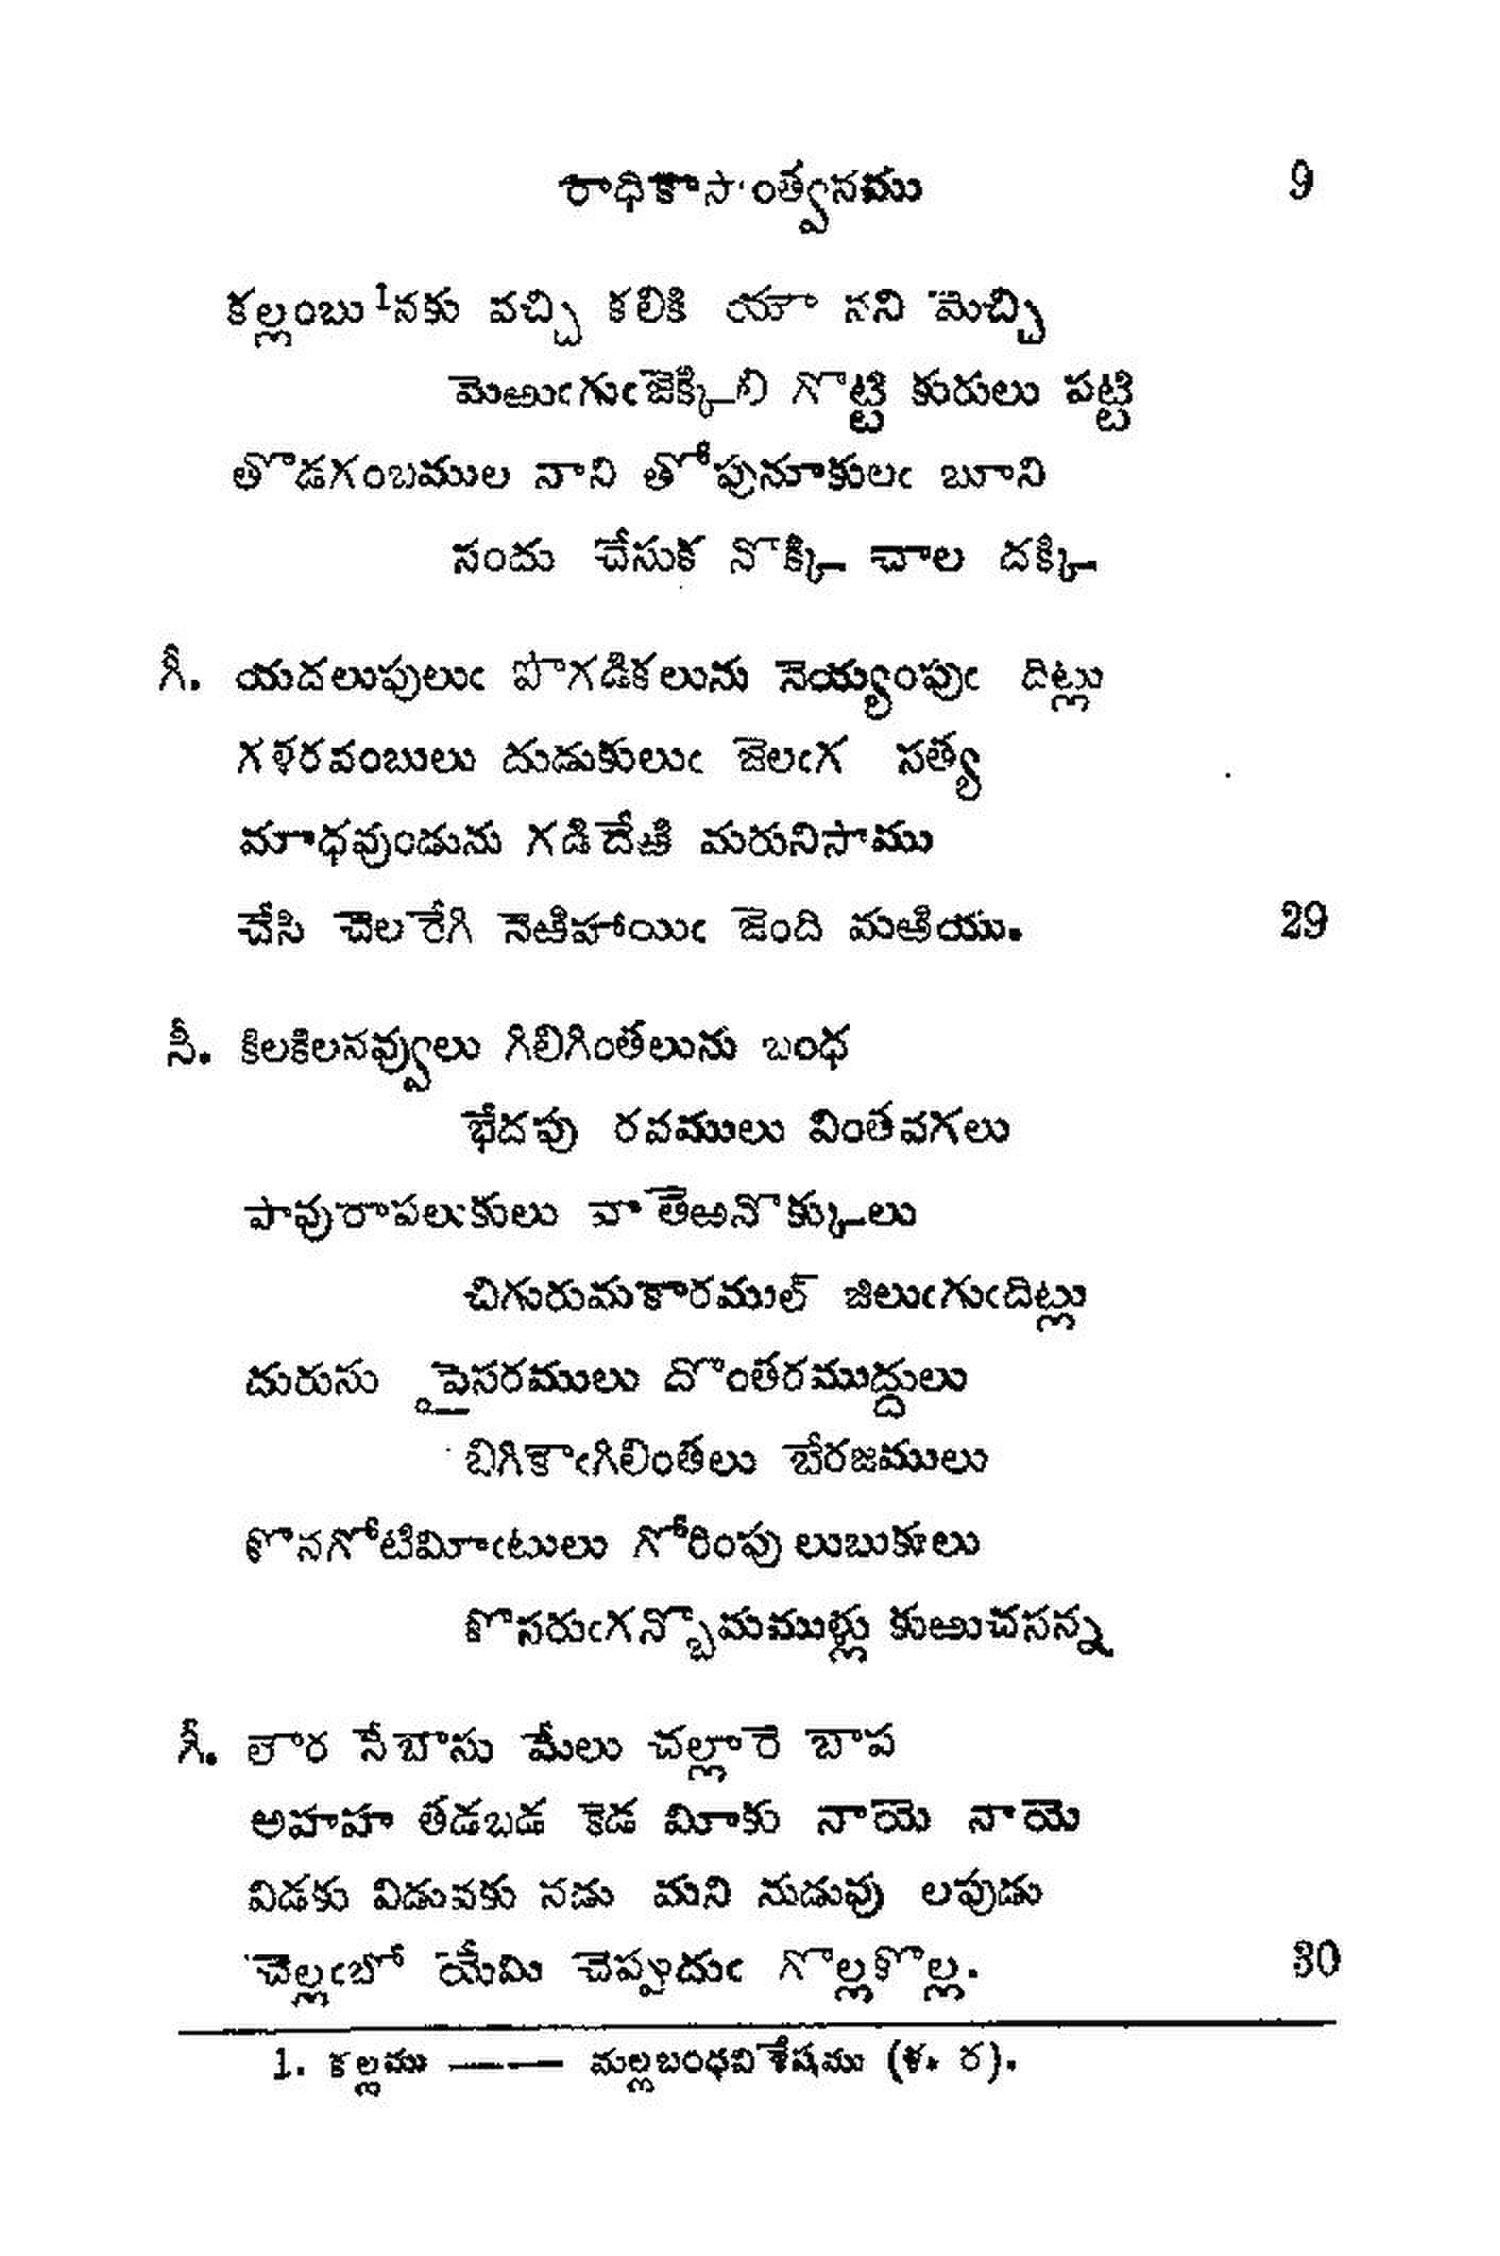కల్లంబునకు వచ్చి కలికి యౌ నని మెచ్చి
మెఱుఁగుఁజెక్కిలి గొట్టి కురులు పట్టి
తొడగంబముల నాని తోపునూకులఁ బూని
సందు చేసుక నొక్కి చాల దక్కి
గీ. యదలుపులుఁ పొగడికలును నెయ్యంపుఁ దిట్లు
గళరవంబులు దుడుకులుఁ జెలఁగ సత్య
మాధవుండును గడిదేఱి మరునిసాము
చేసి చెలరేగి నెఱిహాయిఁ జెంది మఱియు. 29

సీ. కిలకిలనవ్వులు గిలిగింతలును బంధ
భేదపు రవములు వింతవగలు
పావురాపలుకులు వాతెఱనొక్కులు
చిగురుమకారముల్ జిలుఁగుఁదిట్లు
దురుసు పైసరములు దొంతరముద్దులు
బిగికౌఁగిలింతలు బేరజములు
కొనగోటిమీఁటులు గోరింపు లుబుకులు
కొసరుఁగన్బొమముళ్లు కుఱుచసన్న
గీ. లౌర సేబాసు మేలు చల్లారే బాప
అహహ తడబడ కెడ మీకు నాయె నాయె
విడకు విడువకు నడు మని నుడువు లపుడు
చెల్లఁబో యేమి చెప్పుదుఁ గొల్లకొల్ల. 30